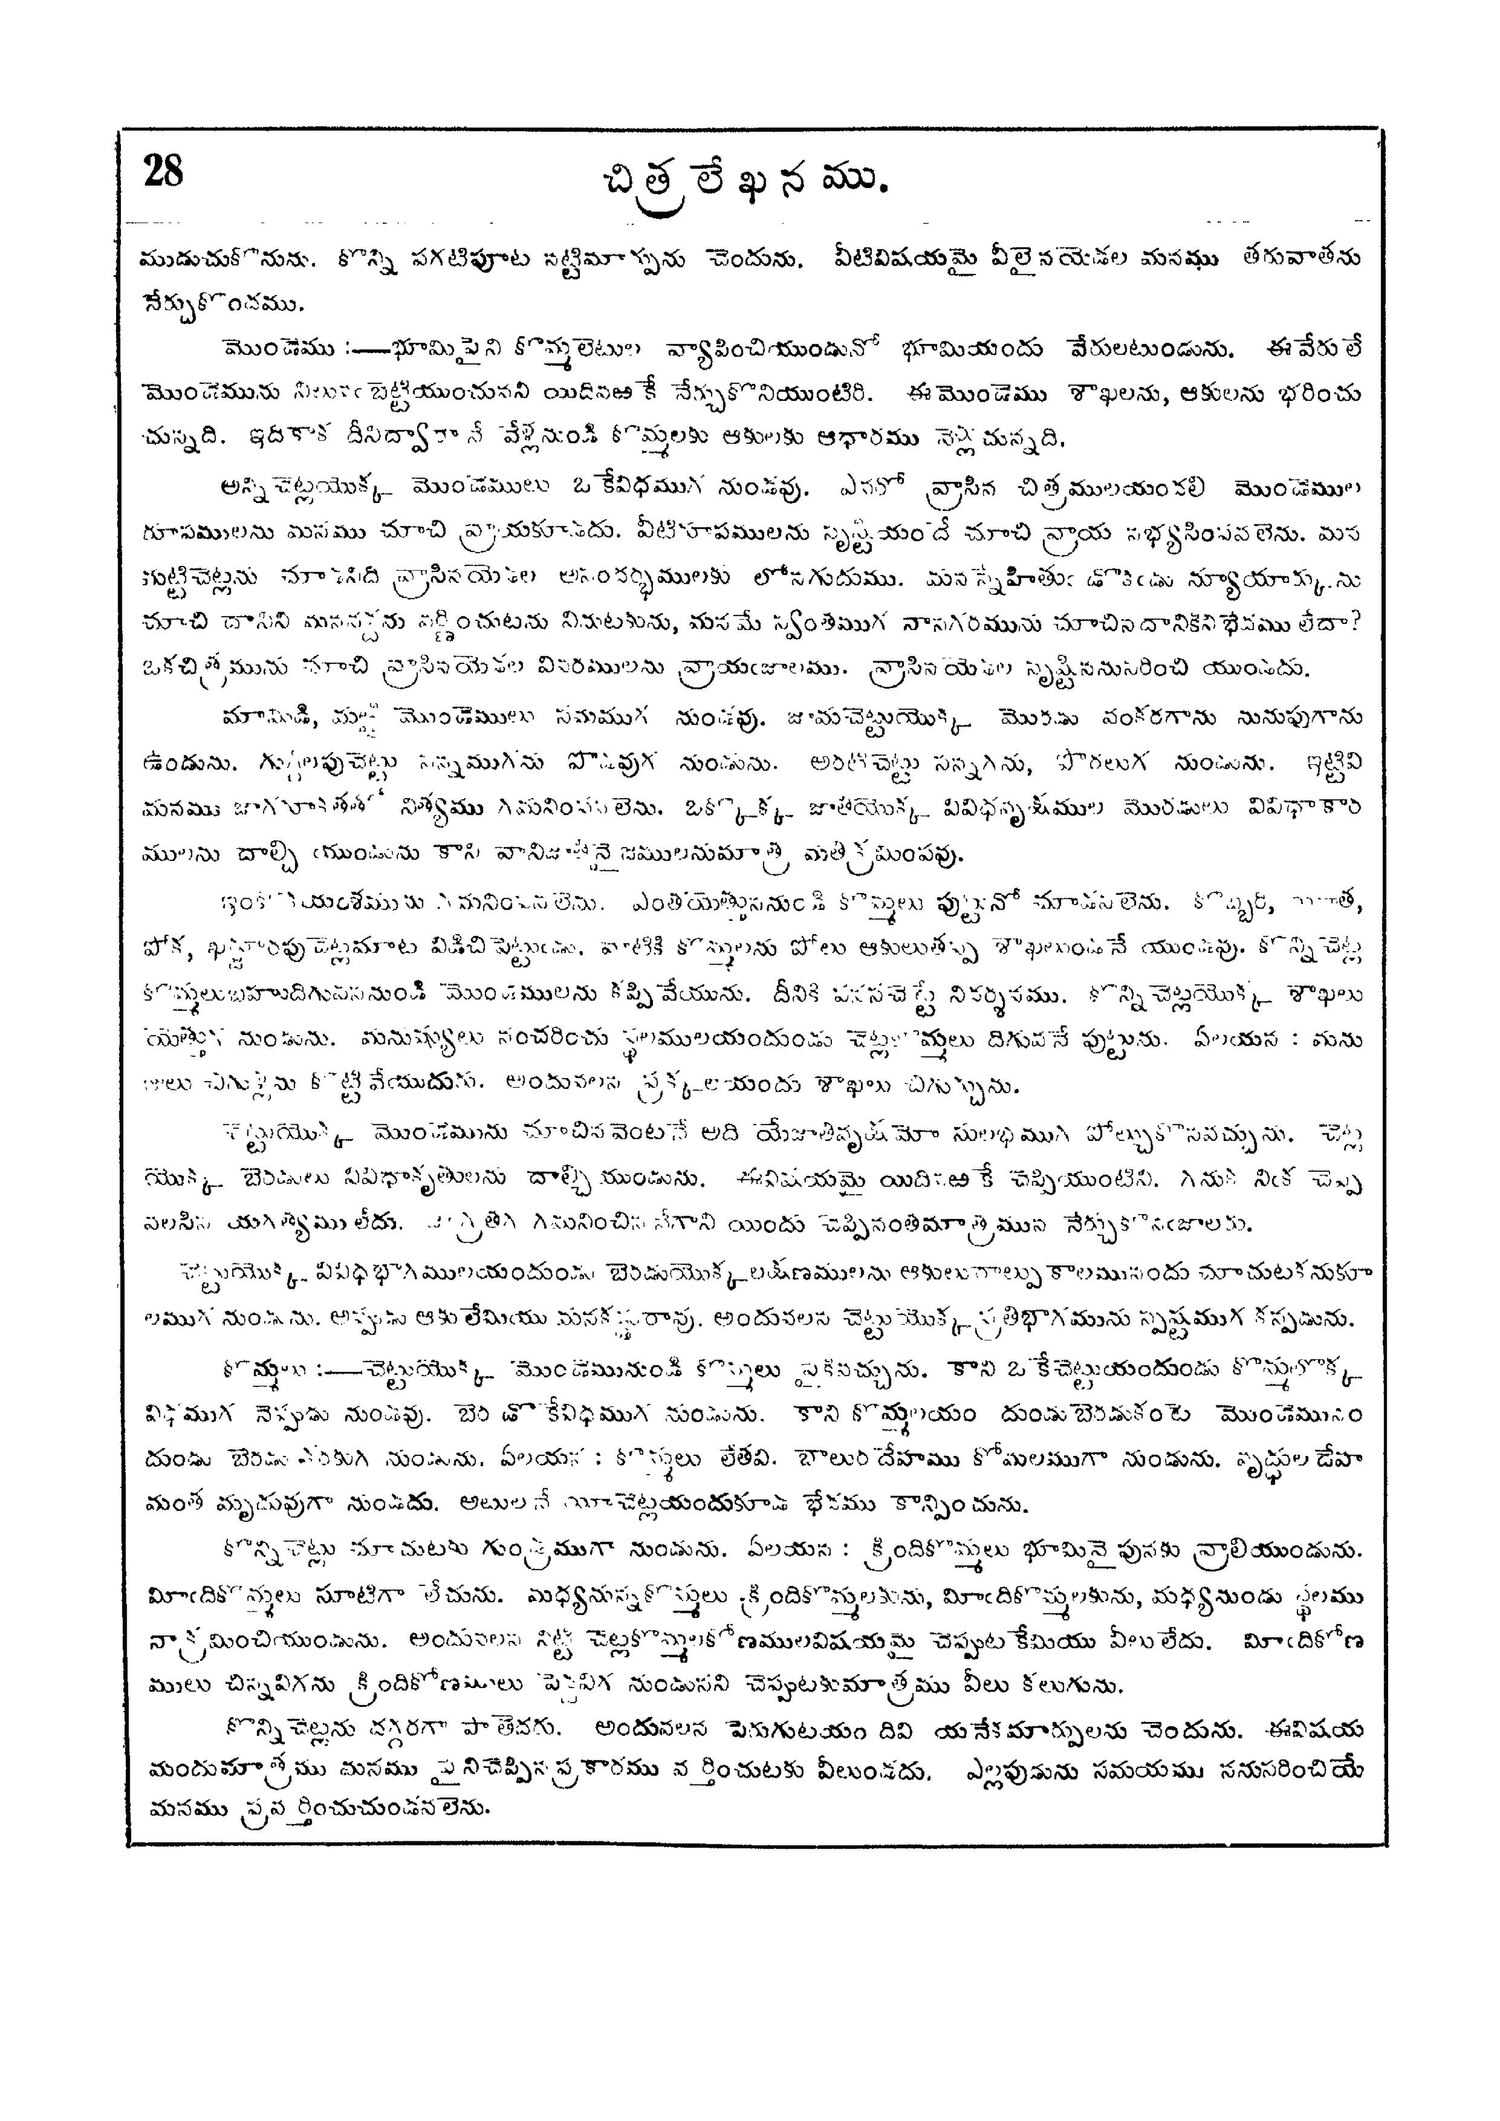ముడుచుకొనును. కొన్ని పగటిపూట నట్టిమార్పును చెందును. వీటివిషయమై వీలైనయెడల మనము తరువాతను నేర్చుకొందము.

మొండెము :- భూమిపైని కొమ్మలెటుల వ్యాపించియుండునో భూమియందు వేరులటుండును. ఈవేరులే మొండెమును నిలువబెట్టియుంచునని యిదివఱకే నేర్చుకొనియుంటిరి. ఈమొండెము శాఖలను, ఆకులను భరించుచున్నది. ఇదికాక దీనిద్వారానే వేళ్లనుండి కొమ్మలకు ఆకులకు ఆధారము వెళ్లుచున్నది.

అన్నిచెట్లయొక్క మొండెములు ఒకేవిధముగ నుండవు. ఎవరో వ్రాసిన చిత్రములయందలి మొండెముల రూపములను మనము చూచి వ్రాయకూడదు. వీటిరూపములను సృష్టియందే చూచి వ్రాయ నభ్యసింపవలెను. మన మట్టిచెట్లను చూడనిది వ్రాసినయెడల అసందర్భములకు లోనగుదుము. మనస్నేహితు డొకడు న్యూయార్కును చూచి దానిని మనవద్దను వర్ణించుటను వినుటకును, మనమే స్వంతముగ నానగరమును చూచినదానికిని భేదములేదా? ఒకచిత్రమును చూచి వ్రాసినయెడల వివరములను వ్రాయజాలము. వ్రాసినయెడల సృష్టిననుసరించి యుండదు.

మామిడి, మఱ్ఱి మొండెములు సమముగ నుండవు. జామచెట్టుయొక్క మొరడు వంకరగాను నునుపుగాను ఉండును. గుగ్గిలపుచెట్టు సన్నముగన పొడవుగ నుండును. అరటిచెట్టు సన్నగను, పొరలుగ నుండును. ఇట్టివి మనము జాగరూకతతో నిత్యము గమనింపవలెను. ఒక్కొక్క జాతియొక్క వివిధవృక్షముల మొరడులు వివిధాకారములను దాల్చి యుండును కాని వానిజాతినైజములనుమాత్ర మతిక్రమింపవు.

ఇంకొకయంశమును గమనింపవలెను. ఎంతయెత్తుననుండి కొమ్మలు పుట్టునో చూడవలెను. కొబ్బరి, యీత, పోక, ఖర్జూరపుచెట్లమాట విడిచిపెట్టుడు. వాటికి కొమ్మలను పోలు ఆకులుతప్ప శాఖలుండనే యుండవు. కొన్నిచెట్ల కొమ్మలుబహుదిగువననుండి మొండెములను కప్పివేయును. దీనికి పనసచెట్టే నిదర్శనము. కొన్నిచెట్లయొక్క శాఖలు యెత్తుగ నుండును. మనుష్యులు సంచరించు స్థలములయందుండు చెట్లకొమ్మలు దిగువనే పుట్టును. ఏలయన: మనుజులు చిగుళ్లను కొట్టివేయుదురు. అందువలన ప్రక్కలయందు శాఖలు చిగుర్చును.

చెట్టుయొక్క మొండెమును చూచినవెంటనే అది యేజాతివృక్షమో సులభముగ పోల్చుకొనవచ్చును. చెట్ల యొక్క బెరడులు వివిధాకృతులను దాల్చియుండును. ఈవిషయమై యిదివఱకే చెప్పియుంటిని. గనుక నిక చెప్పవలసిన యగత్యము లేదు. జాగ్రత్తగ గమనించిననేగాని యిందు చెప్పినంతమాత్రమున నేర్చుకొనజాలరు.

చెట్టుయొక్క వివిధభాగములయందుండు బెరడుయొక్కలక్షణములను ఆకులురాల్పు కాలమునందు చూచుటకనుకూలముగ నుండును. అప్పుడు ఆకులేమియు మనకడ్డురావు. అందువలన చెట్టుయొక్క ప్రతిభాగమును స్పష్టముగ కన్పడును.

కొమ్మలు :- చెట్టుయొక్క మొండెమునుండి కొమ్మలు పైకివచ్చును. కాని ఒకేచెట్టుయందుండు కొమ్మలొక్క విధముగ నెప్పుడు నుండవు. బెర డొకేవిధముగ నుండును. కాని కొమ్మలయం దుండుబెరడుకంటె మొండెమునందుండు బెరడు గరకుగ నుండును. ఏలయన: కొమ్మలు లేతవి. బాలురదేహము కోమలముగా నుండును. వృద్ధులదేహమంత మృదువుగా నుండదు. అటులనే యీచెట్లయందుకూడ భేదము కాన్పించును.

కొన్నిచెట్లు చూచుటకు గుండ్రముగా నుండును. ఏలయన: క్రిందికొమ్మలు భూమివైపునకు వ్రాలియుండును. మీదికొమ్మలు సూటిగా లేచును. మధ్యనున్నకొమ్మలు క్రిందికొమ్మలకును, మీదికొమ్మలకును, మధ్యనుండు స్థలము నాక్రమించియుండును. అందువలన నిట్టి చెట్లకొమ్మలకోణములవిషయమై చెప్పుట కేమియు వీలులేదు. మీదికోణములు చిన్నవిగను క్రిందికోణములు పెద్దవిగ నుండునని చెప్పుటకుమాత్రము వీలు కలుగును.

కొన్నిచెట్లను దగ్గరగా పాతెదరు. అందువలన పెరుగుటయం దివి యనేకమార్పులను చెందును. ఈవిషయమందు మాత్రము మనము పైనిచెప్పిన ప్రకారము వర్తించుటకు వీలుండదు. ఎల్లపుడును సమయము ననుసరించియే మనము ప్రవర్తించుచుండవలెను.